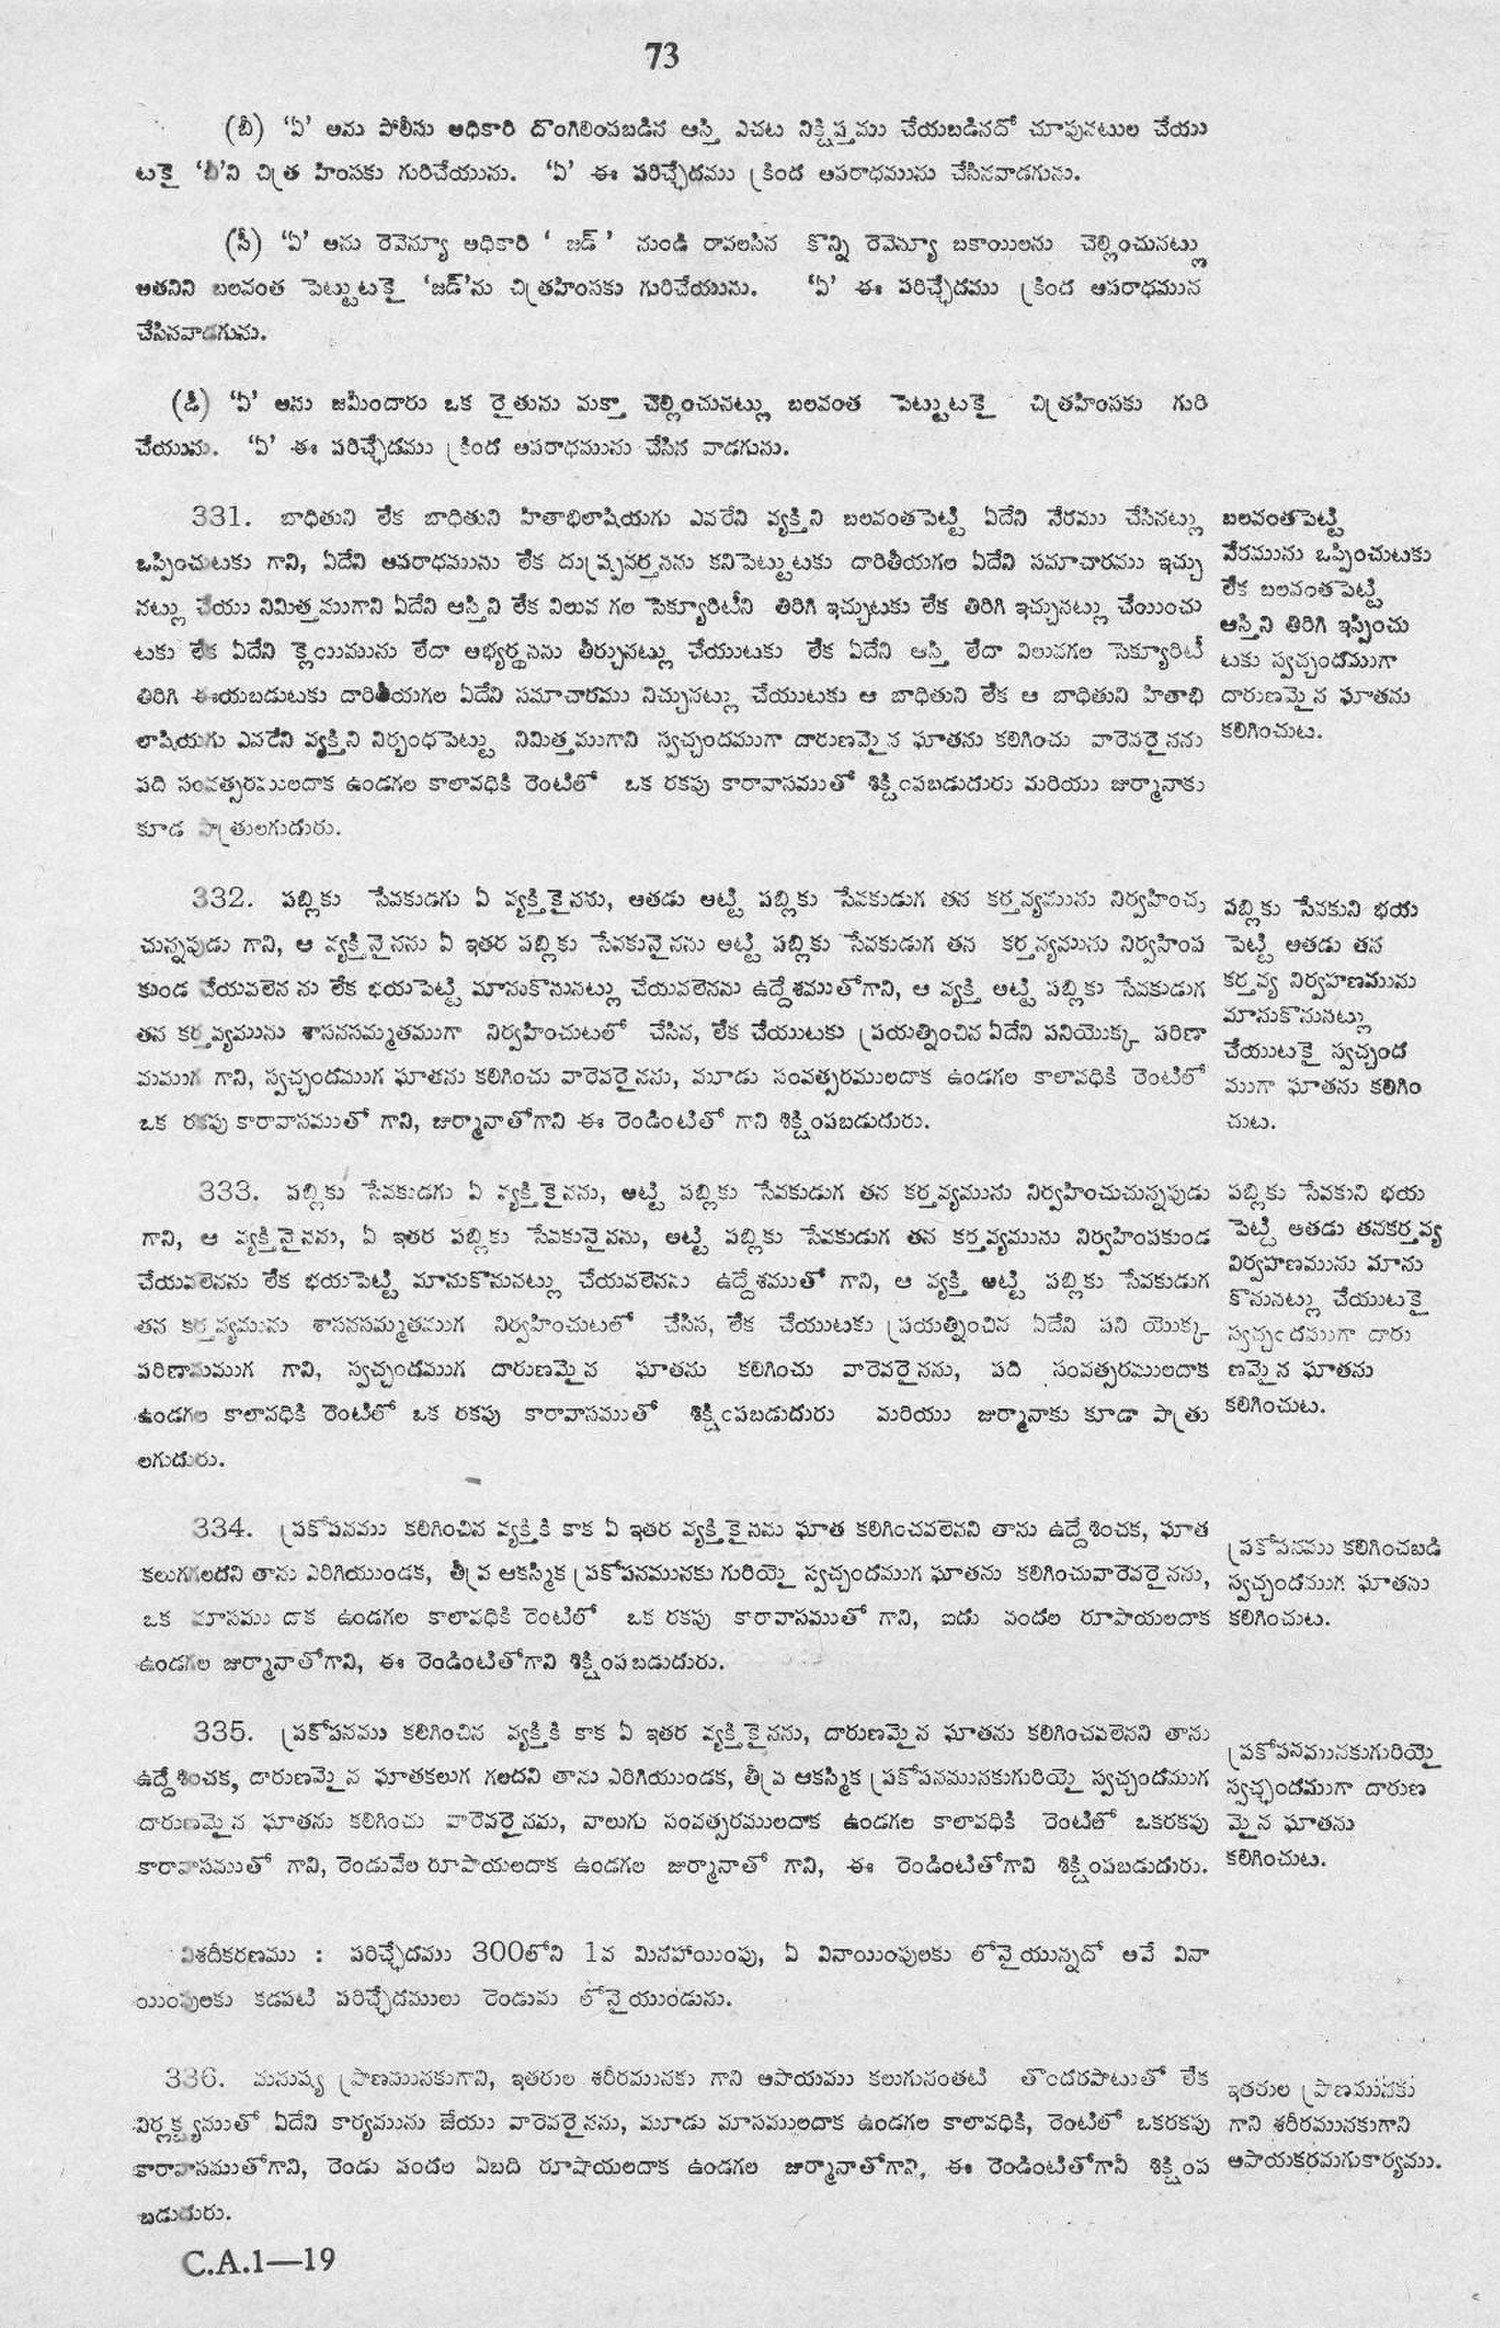(బి) ఏ' అను పోలీసు అధికారి దొంగిలింపబడిన ఆస్తి ఎచట నిక్షిప్తము చేయబడినదో చూపునటుల చేయుటకై 'బి'ని చిత్ర హింసకు గురిచేయును. 'ఏ' ఈ పరిచ్ఛేదము క్రింద అపరాధమును చేసినవాడగును.

(సీ) 'ఏ' అను రెవెన్యూ అధికారి ' జడ్ ' నుండి రావలసిన కొన్ని రెవెన్యూ బకాయిలను చెల్లించునట్లు అతనిని బలవంత పెట్టుటకై 'జడ్'ను చిత్రహింసకు గురిచేయును, 'ఏ' ఈ పరిచ్ఛేదము క్రింద ఆపరాధమున చేసినవాడగును.

(డీ) 'ఏ' అను జమీందారు ఒక రైతును మక్తా చెల్లించునట్లు బలవంత పెట్టుటకై చిత్రహింసకు గురి చేయును. 'ఏ' ఈ పరిచ్ఛేదము క్రింద అపరాధమును చేసిన వాడగును.

బలవంత పెట్టి నేరమును ఒప్పించుటకు లేక బలవంత పెట్టి ఆస్తిని తిరిగి ఇప్పించుటకు స్వచ్ఛందముగా దారుణమైన ఘాతను
కలిగించుట.

331. బాధితుని లేక బాధితుని హితాభిలాషియగు ఎవరేని వ్యక్తిని బలవంత పెట్టి ఏదేని నేరము చేసినట్లు బలవంత పెట్టి ఒప్పించుటకు గాని, ఏదేని అపరాధమును లేక దుష్ప్రవర్తనను కని పెట్టుటకు దారితీయగల ఏదేని సమాచారము ఇచ్చునట్లు చేయు నిమిత్తముగాని ఏదేని ఆస్తిని లేక విలువ గల సెక్యూరిటీని తిరిగి ఇచ్చుటకు లేక తిరిగి ఇచ్చునట్లు చేయించుటకు లేక ఏదేని క్లెయిమును లేదా 
అభ్యర్థనను తీర్చునట్లు చేయుటకు లేక ఏదేని ఆస్తి లేదా విలువగల సెక్యూరిటీ తిరిగి ఈయబడుటకు దారితీయగల ఏదేని సమాచారము నిచ్చునట్లు చేయుటకు ఆ బాధితుని లేక ఆ బాధితుని హితాభిలాపియగు ఎవరేని వ్యక్తిని నిర్బంధ పెట్టు నిమిత్తముగాని స్వచ్ఛందముగా దారుణమైన ఘాతను కలిగించు వారెవరైనను పది సంవత్సరములదాక ఉండగల కాలావధికి రెంటిలో ఒక రకపు కారావాసముతో శిక్షింపబడుదురు మరియు జుర్మానాకు కూడ పాత్రులగుదురు.

పబ్లికు సేవకుని భయపెట్టి అతడు తన కర్తవ్య నిర్వహణమును చూచుకొనునట్లు చేయుటకై స్వచ్చందముగా ఘాతను కలిగించుట.

332. పబ్లికు సేవకుడగు ఏ వ్యక్తి కైనను, ఆతడు అట్టి పబ్లికు సేవకుడుగ తన కర్తవ్యమును నిర్వహించు చున్నపుడు గాని, ఆ వ్యక్తి నైనను ఏ ఇతర పబ్లికు సేవకునై నను ఆట్టి పబ్లికు సేవకుడుగ తన కర్తవ్యమును నిర్వహింపకుండ చేయవలెనను లేక భయపెట్టి మానుకొనునట్లు చేయవలెనను ఉద్దేశముతోగాని, ఆ వ్యక్తి అట్టి పబ్లికు సేవకుడుగ తన కర్త వ్యమును శాసనసమ్మతముగా నిర్వహించుటలో చేసిన, లేక చేయుటకు ప్రయత్నించిన ఏదేని పనియొక్క పరిణామముగ గాని, స్వచ్ఛందముగ ఘాతను కలిగించు వారెవరైనను, మూడు సంవత్సరములదాక ఉండగల కాలావధికి రెంటిలో ఒక రకపు కారావాసముతో గాని, జుర్మానాతోగాని ఈ రెండింటితో గాని శిక్షింపబడుదురు.

పబ్లికు సేవకుని భయపెట్టి అతడు తనకర్త వ్య నిర్వహణమును మానుకొనునట్లు చేయుటకై స్వచ్చం దముగా దారుణమైన ఘాతను
కలిగించుట.

333. పబ్లికు సేవకుడగు ఏ వ్యక్తి కైనను, అట్టి పబ్లికు సేవకుడుగ తన కర్త వ్యమును నిర్వహించుచున్నపుడు గాని, ఆ వ్యక్తినైనను, ఏ ఇతర పబ్లికు సేవకునైనను, అట్టి పబ్లికు సేవకుడుగ తన కర్త వ్యమును నిర్వహింపకుండ చేయవలెనను లేక భయ పెట్టి మానుకొనునట్లు చేయవలెనను ఉద్దేశములో గాని, ఆ వ్యక్తి అట్టి పబ్లికు సేవకుడుగ తన కర్త వ్యములను శాసనసమ్మతముగ నిర్వహించుటలో చేసిన, లేక చేయుటకు ప్రయత్నించిన ఏదేని పని యొక్క గాని, స్వచ్ఛందముగ దారుణమైన ఘాతను కలిగించు వారెవరైనను, పది సంవత్సరములదాక ఉండగల కాలావధికి రెంటిలో ఒక రకపు కారావాసముతో శిక్షింపబడుదురు మరియు జుర్మానాకు కూడా పాత్రులగుదురు.

ప్రకోపనము కలిగించబడి స్వచ్చంద ముగ, ఘాతను కలిగించుట.

334. ప్రకోపనము కలిగించిన వ్యక్తి కి కాక ఏ ఇతర వ్యక్తి కై నను ఘాత కలిగించవలెనని తాను ఉద్దేశించక, ఘాత కలుగగలదని తాను ఎరిగియుండక, తీవ్ర ఆకస్మిక ప్రకోపనమునకు గురియై స్వచ్చందముగ ఘాతను కలిగించువారెవరైనను, ఒక మాసము దాక ఉండగల కాలావధికి రెంటిలో ఒక రకపు కారావాసముతో గాని, ఐదు వందల రూపాయలదాక ఉండగల జూర్మానాతోగాని, ఈ రెండింటితోగాని శిక్షింప బడుదురు.

ప్రకోపనమునకుగురియైస్వచ్ఛందముగా దారుణమైన ఘాతను కలిగించుట.

335. ప్రకోపనము కలిగించిన వ్యక్తికి కాక ఏ ఇతర వ్యక్తి కైనను, దారుణమైన ఘాతను కలిగించవలెనని తాను ఉద్దేశించక, దారుణమైన ఘాతకలుగ గలదని తాను ఎరిగియుండక, తీవ్ర ఆకస్మిక ప్రకోపమునకుగురియై స్వచ్ఛందముగ దారుణమైన ఘాతను కలిగించు వారెవరైనము, నాలుగు సంవత్సరములదాక ఉండగల కాలావధికి రెంటిలో ఒకరకపు కారావాసముతో గాని, రెండు వేల రూపాయలదాక ఉండగల జుర్మానాతో గాని, ఈ రెండింటితోగాని శిక్షింపబడుదురు. 

విశదీకరణము : పరిచ్ఛేదము, 300లోని 1వ మినహాయింపు, ఏ వినాయింపులకు లోనై యున్నదో అవే వినాయింపులకు కడపటి పరిచ్ఛేదములు రెండును లోనై యుండును.

ఇతరుల ప్రాణమునకు గాని శరీరమునకుగాని అపాయకరమగు కార్యము,

336. మసుష్య ప్రాణమునకుగాని, ఇతరుల శరీరమునకు గాని ఆపాయము కలుగునంతటి తొందరపాటుతో లేక నిర్లక్ష్యముతో ఏదేని కార్యమును జేయు వారెవరై సను, మూడు మాసములదాక ఉండగల కాలావధికి, రెంటిలో ఒకరకపు కారావాసముతోగాని, రెండు వందల ఏబది రూపాయలదాక ఉండగల జూర్మానాతోగాని, ఈ రెండింటితోగానీ శిక్షింపబడుదురు.